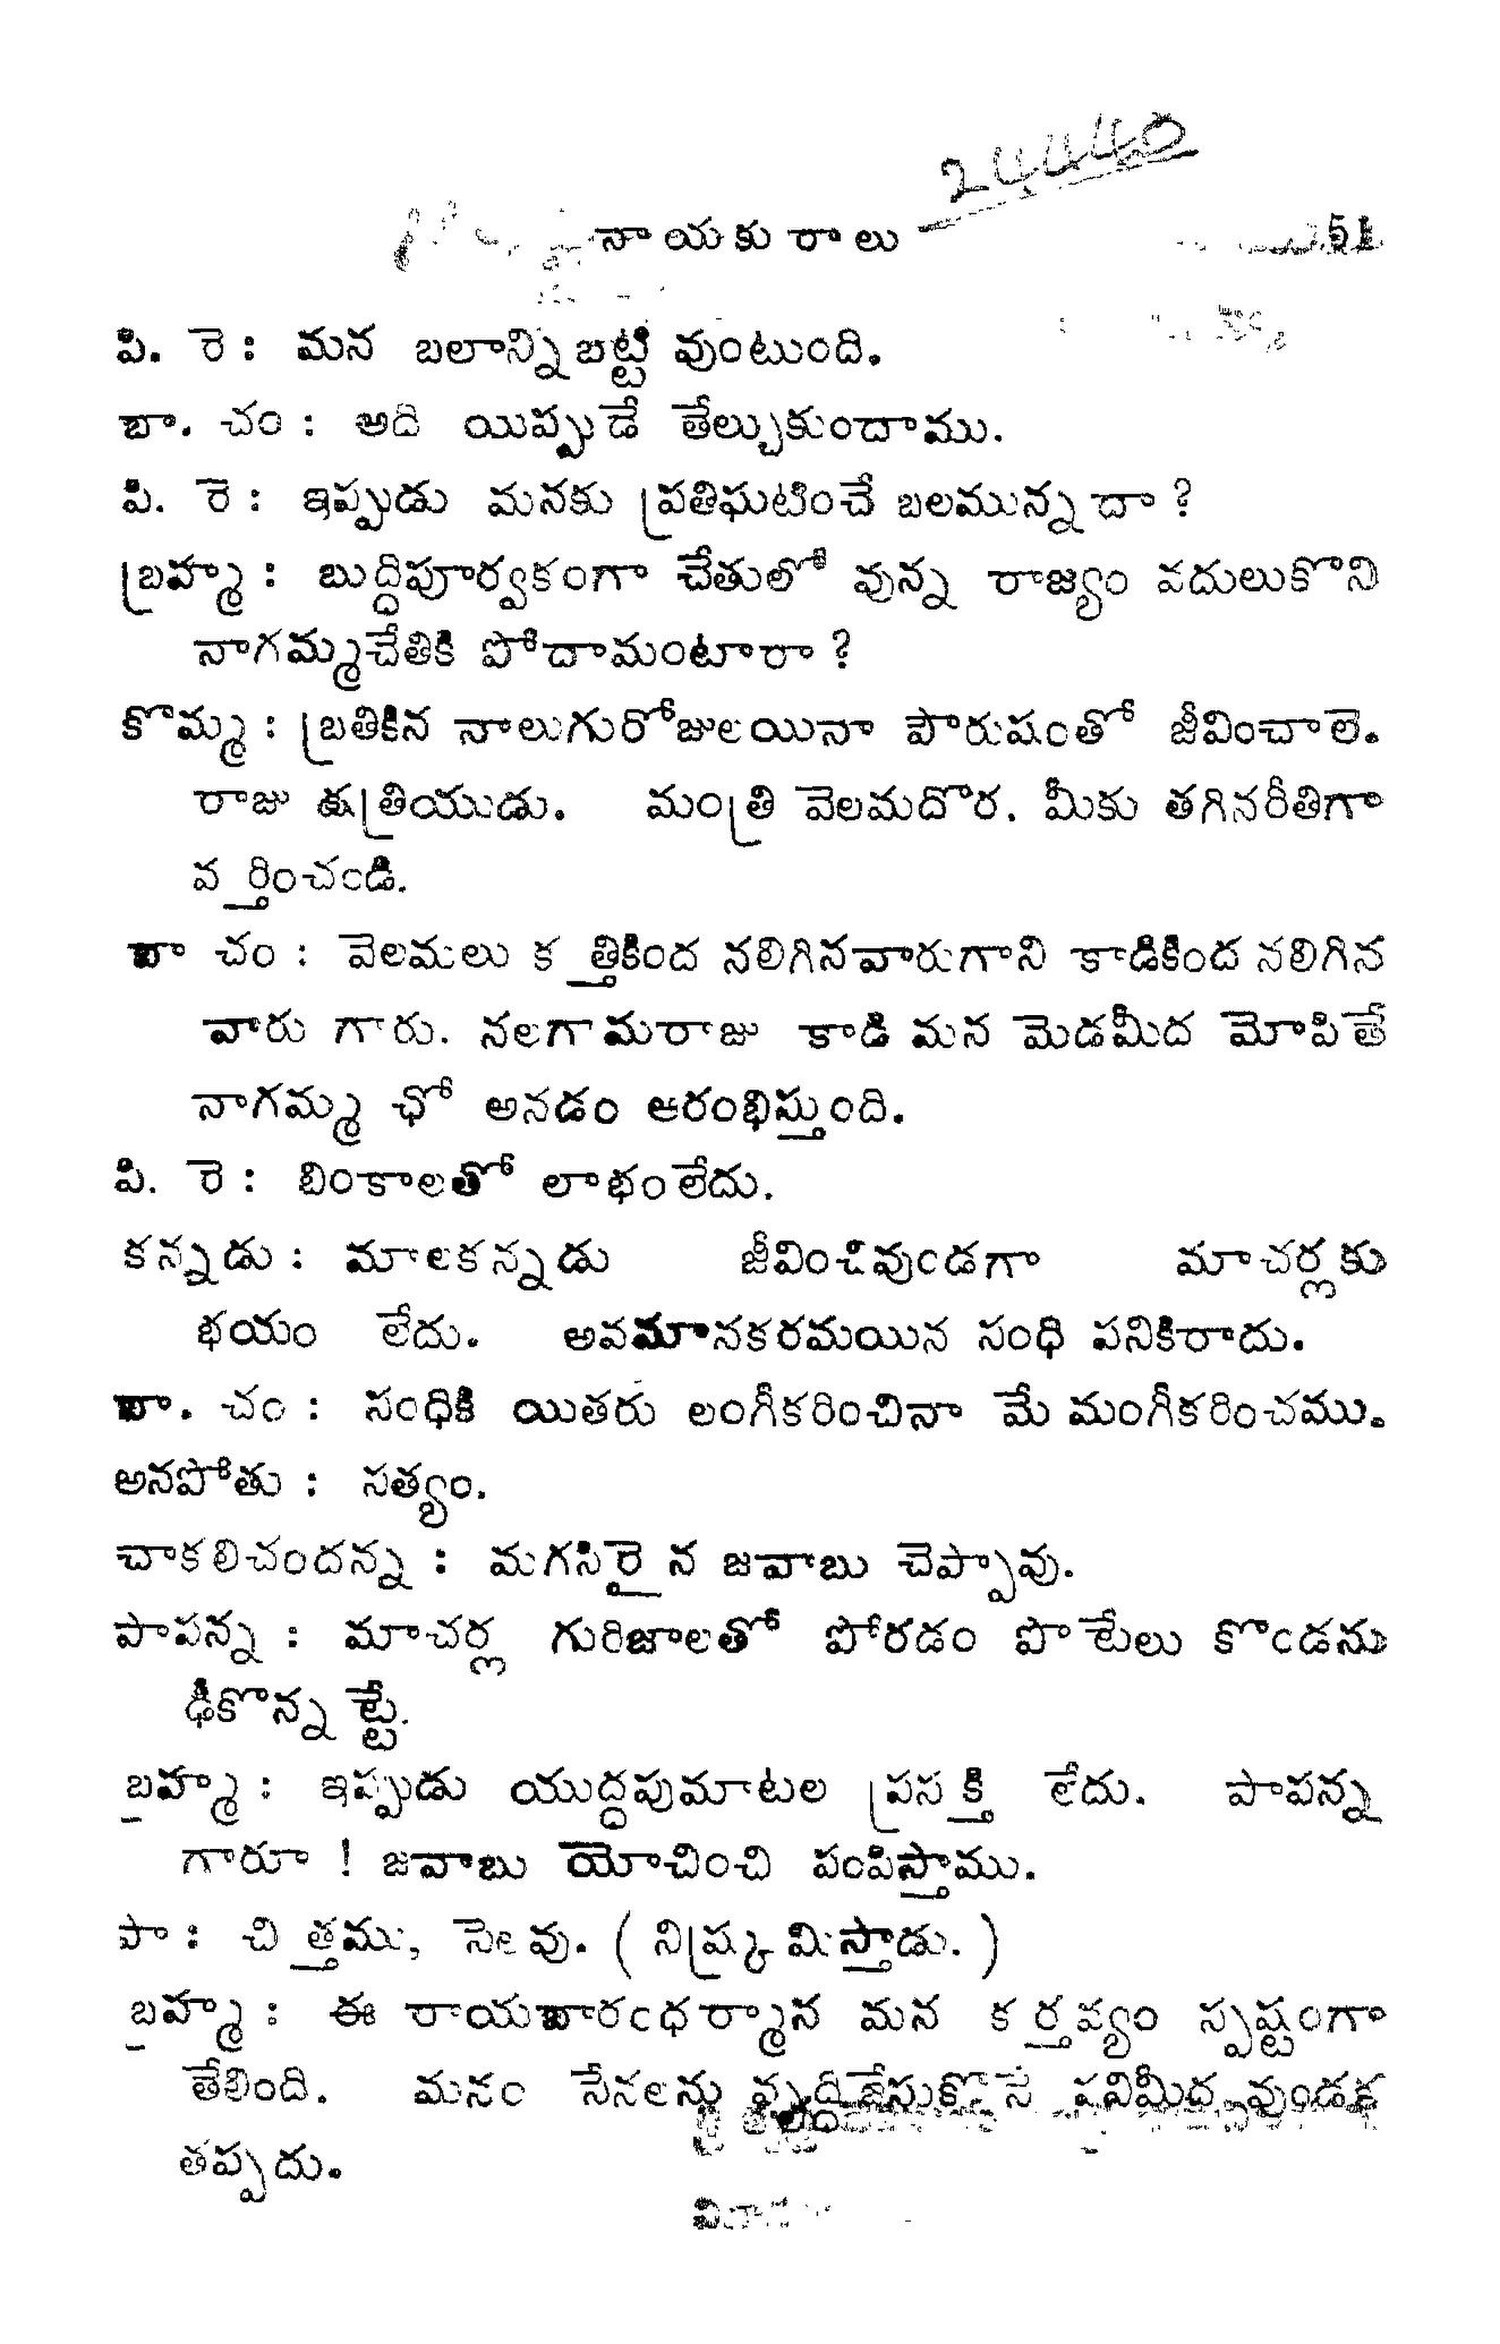పి. రె: మన బలాన్నిబట్టి వుంటుంది.

బా. చం: అది యిప్పుడే తేల్చుకుందాము.

పి. రె: ఇప్పుడు మనకు ప్రతిఘటించే బలమున్నదా ?

బ్రహ్మ : బుద్ధిపూర్వకంగా చేతులో వున్న రాజ్యం వదులుకొని నాగమ్మచేతికి పోదామంటారా ?

కొమ్మ : బ్రతికిన నాలుగురోజులయినా పౌరుషంతో జీవించాలె. రాజు క్షత్రియుడు. మంత్రి వెలమదొర. మీకు తగినరీతిగా వర్తించండి.

బా చం : వెలమలు కత్తికింద నలిగినవారుగాని కాడికింద నలిగినవారు గారు. నలగామరాజు కాడి మన మెడమీద మోపితే నాగమ్మ ఛో అనడం ఆరంభిస్తుంది.

పి. రె: బింకాలతో లాభం లేదు.
కన్నడు : మాలకన్నడు జీవించివుండగా మాచర్లకు భయం లేదు. అవమానకరమయిన సంధి పనికిరాదు.

బా. చం: సంధికి యితరు లంగీకరించినా మే మంగీకరించము.

అనపోతు : సత్యం.

చాకలిచందన్న : మగసిరైన జవాబు చెప్పావు.

పాపన్న : మాచర్ల గురిజాలతో పోరడం పొటేలు కొండను ఢీకొన్నట్టే.

బహ్మ: ఇప్పుడు యుద్ధపుమాటల ప్రసక్తి లేదు. పాపన్న గారూ ! జవాబు యోచించి పంపిస్తాము.

పా: చిత్తము, సెలవు. ( నిష్క్రమిస్తాడు. )

బహ్మ: ఈ రాయబారంధర్మాన మన కర్తవ్యం స్పష్టంగా తేలింది. మనం సేనలను వృద్ధిచేసుకొనే పనిమీద వుండక తప్పదు.